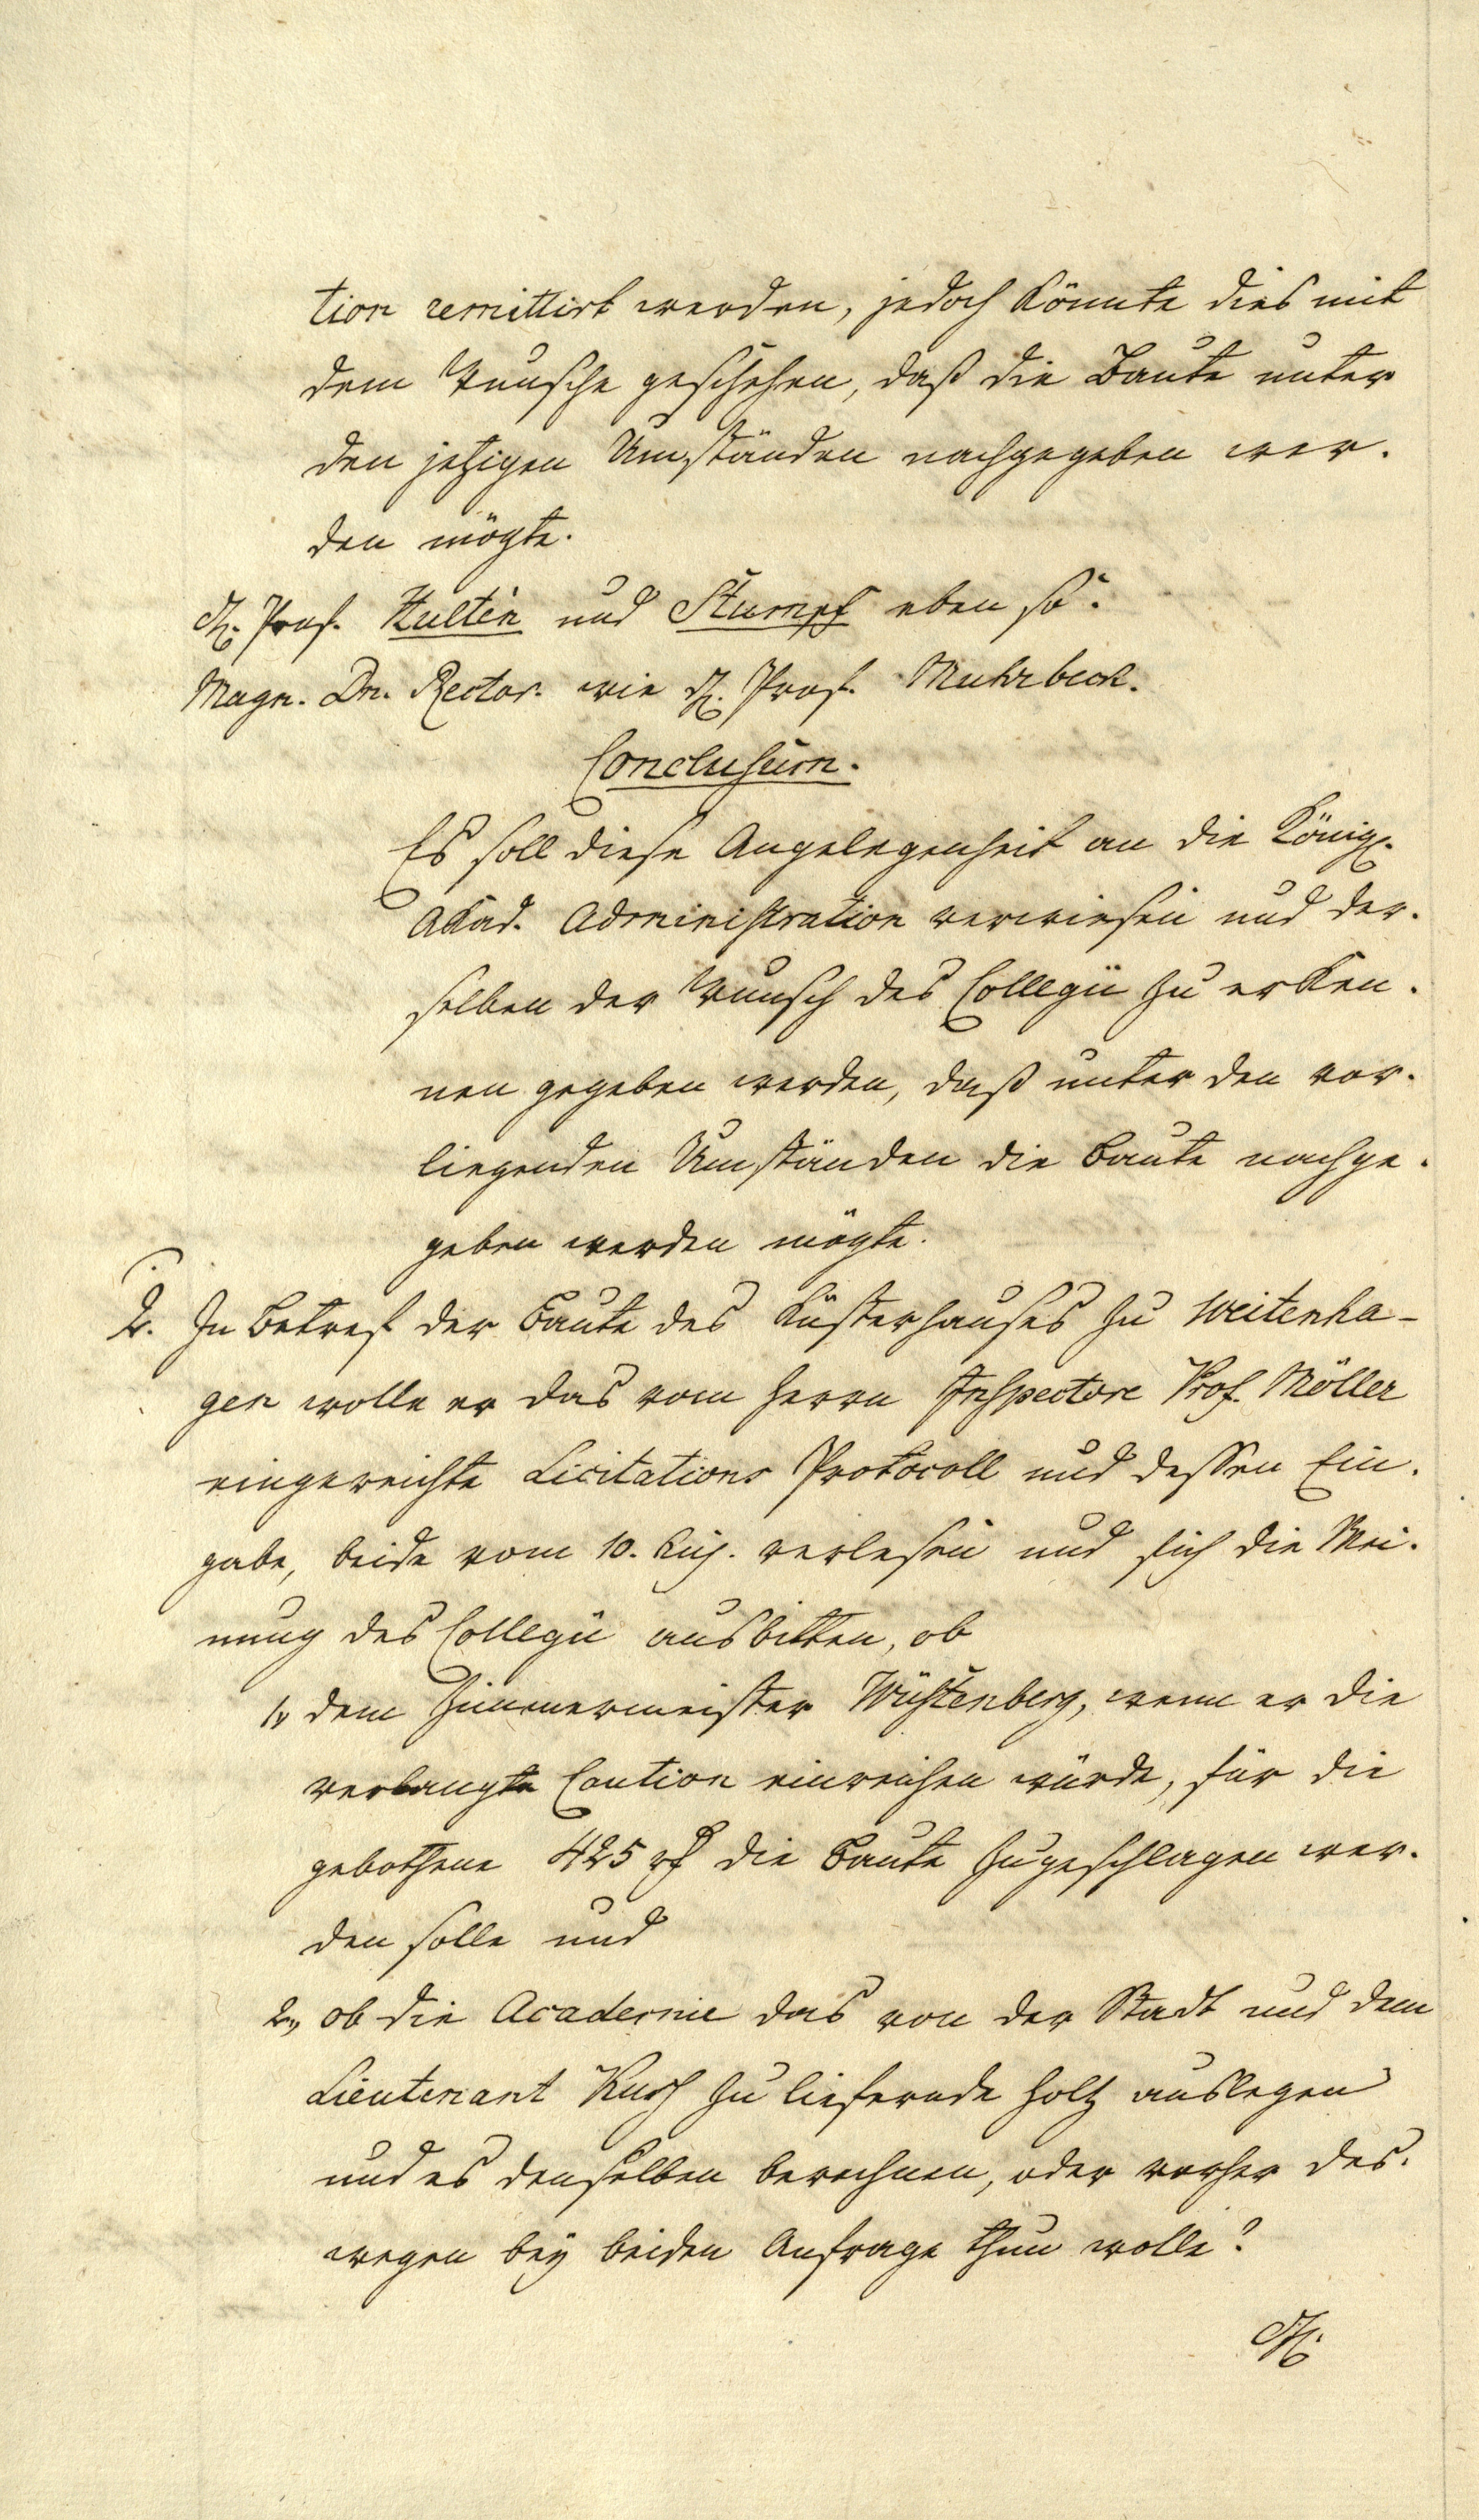tion remittirt werden, jedoch könnte dies mit
dem Wunsche geschehen, daß die Baute unter
den jetzigen Umständen nachgegeben wer-
den mögte.
dh. Prof. Hultén und Stumpf ebenso
Magn. Dn. Recotr. wie dh. Prof. Muhrbeck.
Conclusum.
Es soll diese Angelegenheit an die Königl.
Akad. Administration verwiesen und der-
selben der Wunsch des Collegii zu erken-
nen gegeben werden, daß unter den vor-
liegenden Umständen die Baute nachge-
geben werden mögte.
2. In betref der Baute des Küsterhauses zu Weitenha-
gen wolle er das vom Herrn Insprectore Prof. Möller
eingereichte Licitations Protocoll und dessen Ein-
gabe, beide vom 10. huius verlesen und sich die Mein-
nung des Collegii ausbitten, ob
1. dem Zimmermeister Wüstenberg, wenn er die
verlangte Caution einreichen würde, für die
gebothene 425 rth die Baute zugeschlagen wer-
den solle und
2. ob die Academie das von der Stadt und dem
Lieutenant Kuss zu liefernde Holtz auslegen
und es denselben berechnen, oder worher des-
wegen bey beiden Anfrage thun wolle?